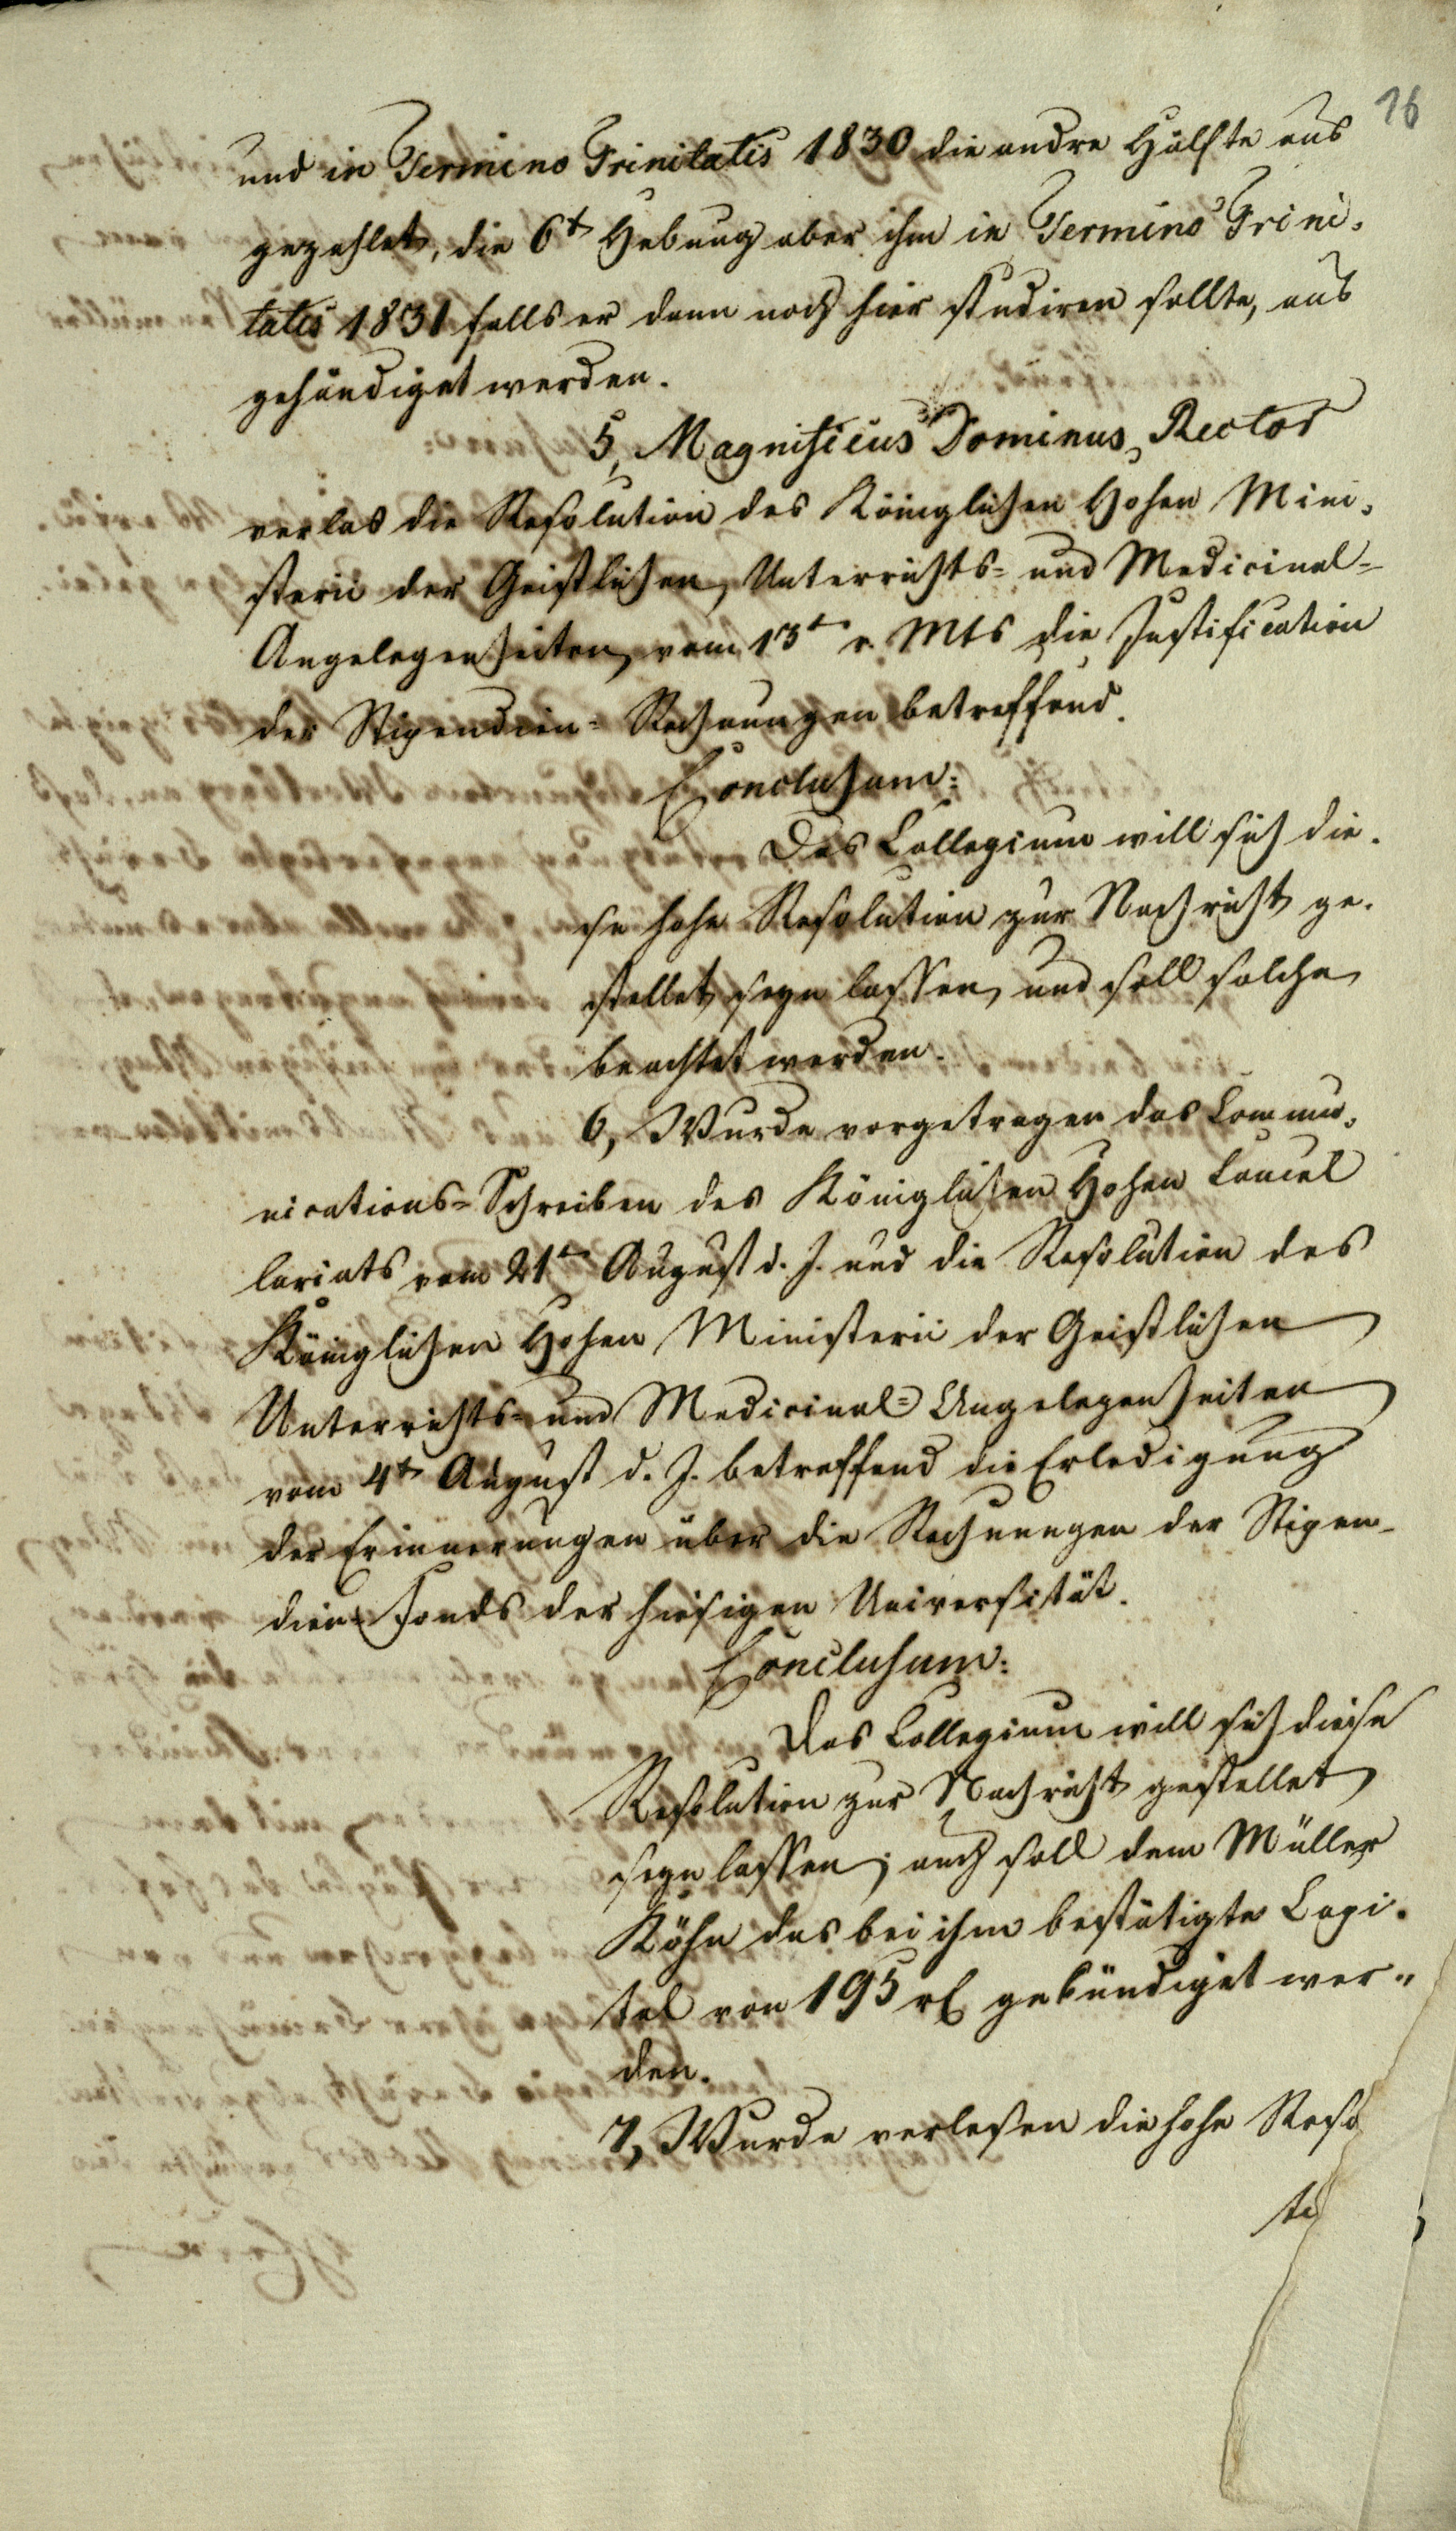und in Termino Trinitatis 1830 die andere Hälfte aus
gezahlet, die 6 te Hebung aber ihm in Termino Trini¬
tatis 1831 falls er dann noch hier studiren sollte, aus
gehändiget werden.
5, Magnificus Dominus Rector
verlas die Resolution, des Königlichen Hohen Mini¬
sterii der Geistlichen, Unterrichts und Medicinal¬
Angelegenheiten vom 13 ten v. Mts. die Justification
der Stipendien - Rechnungen betreffend.
Conclusum:
Das Collegium will sich die¬
sse hohe Resolution zur Nachricht ge¬
stellet seyn lassen und soll solche
beachtet werden.
6, Wurde vorgetragen das Comu¬
nications-Schreiben des Königlichen Hohen Cancel¬
lariats vom 21 t August d. J. und die Resolution des
Königlichen Hohen Ministerii der Geistlichen
Unterrichts und Medicinal- Angelegenheiten
vom 4 August d. J. betreffend die Erledigung
der Erinnerungen über die Rechnungen der Stipen¬
dien Fonds der hiesigen Universität.
Conclusum:
Das Collegium will sich diese
Resolution zur Nachricht gestellet
seyn lassen; auch soll dem Müller
Köhn das bei ihm bestätigte Capi¬
tal von 195 rl, gekündiget wer¬
den.
7, Wurde verlesen die hohe Reso
ti